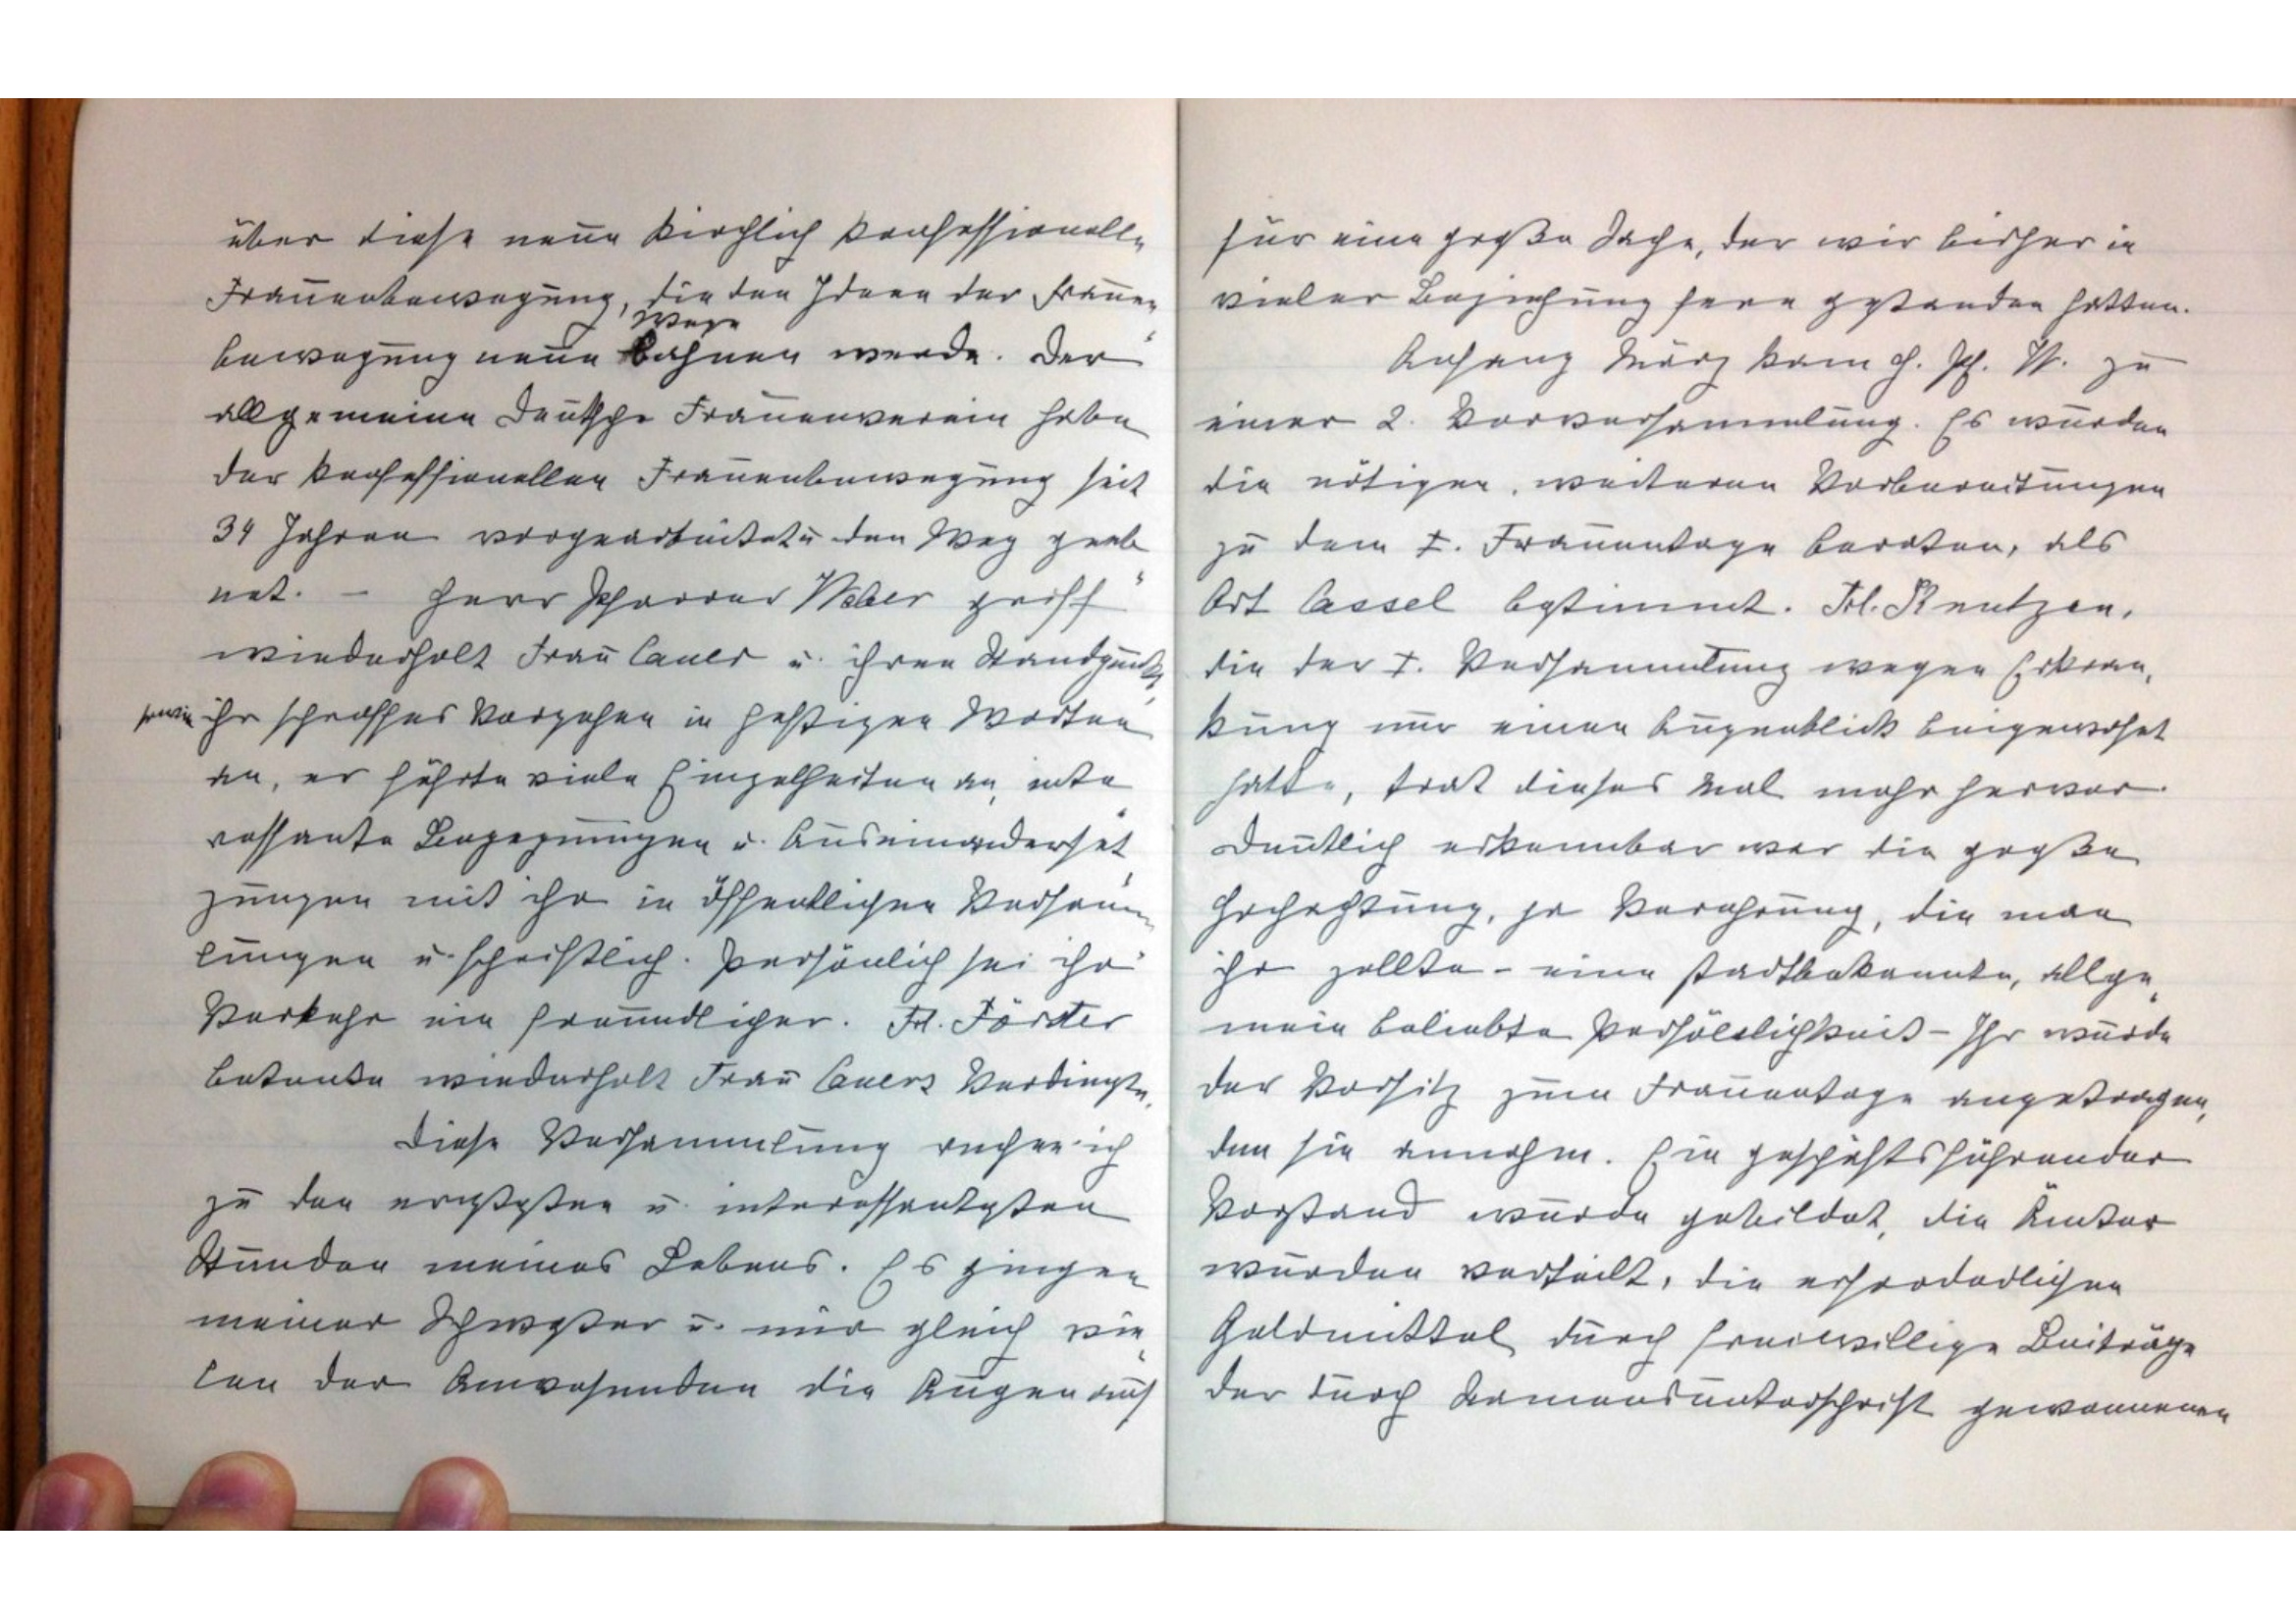über diese neue kirchlich konfessionelle
Frauenbewegung, die der Ebene der Frauen
Wege
bewegung neue bahnen werde. Der
Der allgemeine deutsche Frauenverein habe
der konfessionellen Frauenbewegung seit
34 Jahren vorgearbeitet u. den Weg geeb
net. - Herr Pfarrer Weber griff
wiederholt Frau Cauer u. ihren Hand
griff ihr schroffes Vorgehen in hastigen Worten
an, er führte viele Einzelheiten an, inte
interessante Begegnungen u. Auseinanderset
zungen mit ihr in öffentlichen Versamm
lungen u. schriftlich. Persönlich sei ihr
Verkehr nie freundlicher. Frl. Förster
betonte wiederholt Frau Lauers Verdienste.
Die Versammlung rechne ich
zu den ernstesten u. interessantesten
Stunden meines Lebens. Es gingen
meiner Schwester u. mir gleich vie
len der Anwesenden die Augen auf.
für eine große Sache, der wir bisher in
vieler Beziehung fern gestanden hatten.
Anfang März kam H. Pf. W. zu
zu einer 2. Vorversammlung. Es wurden
die nötigen weiteren Vorbereitungen
zu dem I. Frauentage beraten, als
Ort Cassel bestimmt. Frl. Knutzen,
die der I. Versammlung wegen Erkran
Erkrankung nur einen Augenblick beigewohnt
hatte, trat dieses Mal mehr hervor.
Deutlich erkennbar war die große
Hochachtung, ja Verehrung die man
ihr zollte u. eine Stadtbekannte und allge
mein beliebte Persönlichkeit. Ihr wurde
der Vorsitz zum Frauentage angetragen
den sie annahm. Ein geschäftsführender
Vorstand wurde gebildet, die Ämter
wurden verteilt, die erforderlichen
Geldmittel durch freiwillige Beiträge
der durch Namensunterschrift gewonnenen